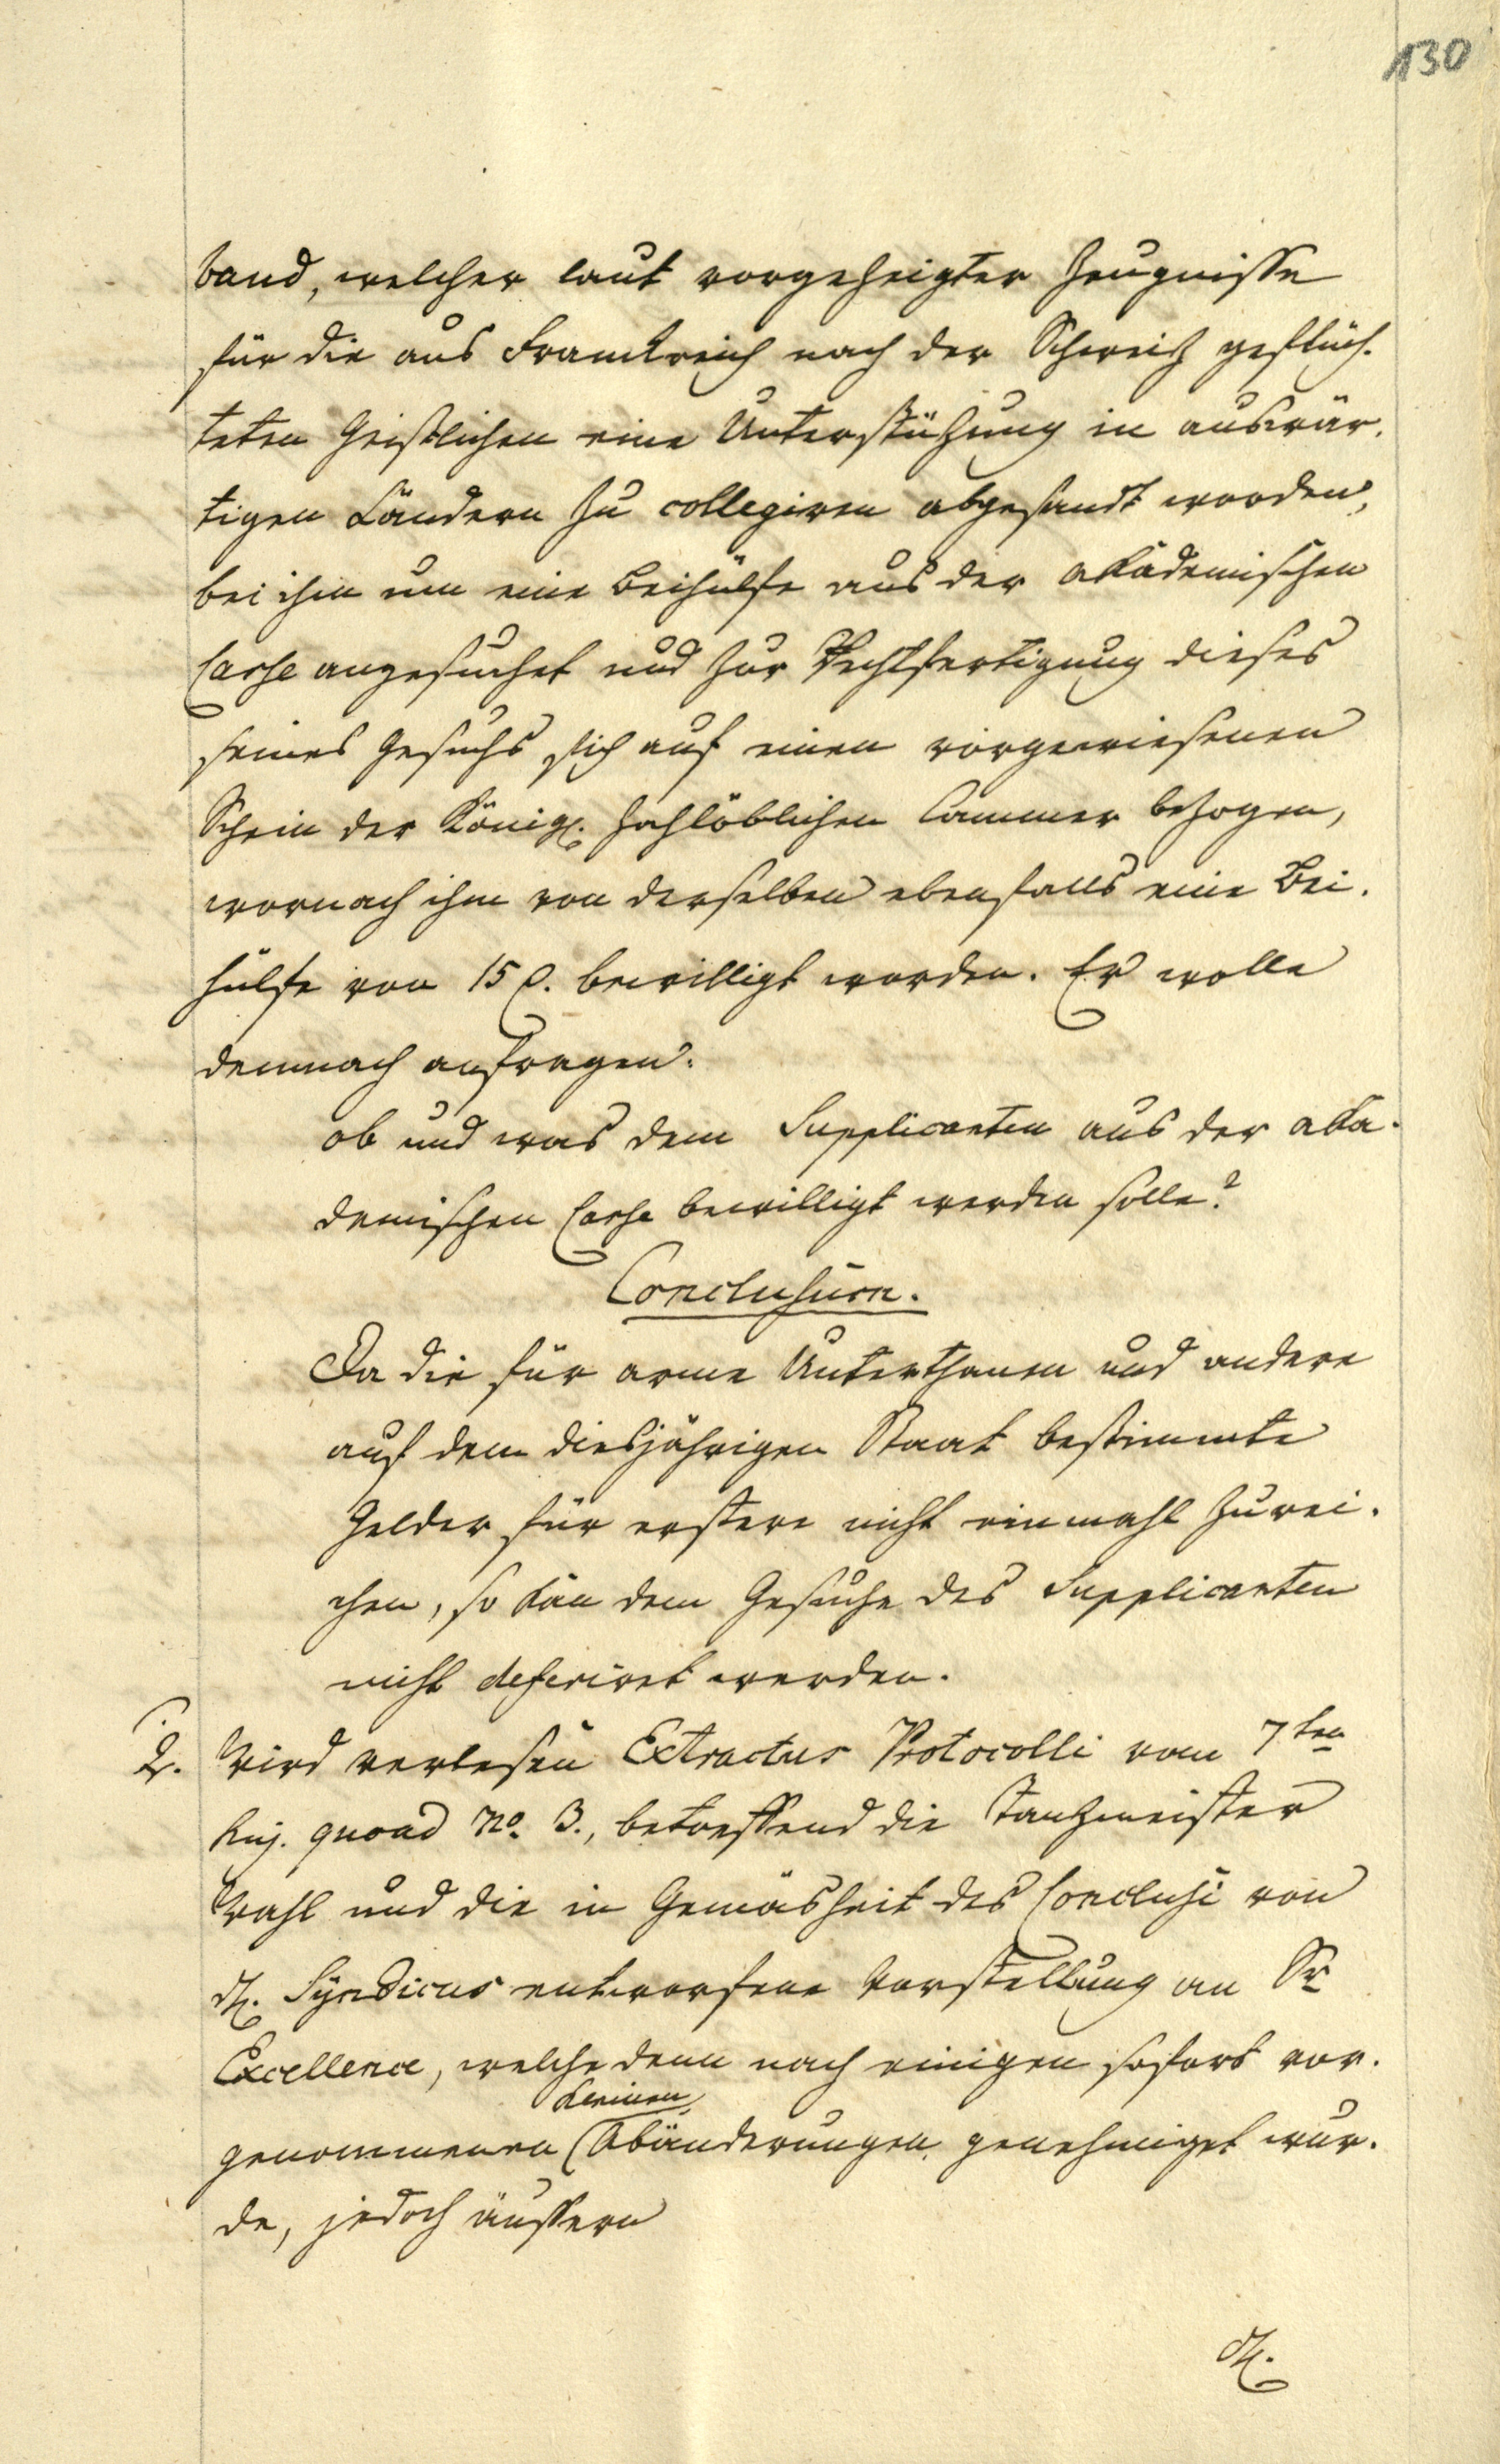band, welcher laut vorgezeigter Zeugnisse
für die aus Franckreich nach der Schweiz geflüch¬
teten Geistlichen eine Unterstützung in auswär¬
tigen Ländern zu collegiren abgesandt worden,
bei ihm um eine Beihülfe aus der akademischen
Casse angesuchet und zur Rechtfertigung dieses
seines Gesuchs sich auf einen vorgewiesenen
Schein der Königl. Hochlöblichen Cammer bezogen,
wornach ihm von derselben ebenfalls eine Bei¬
hülfe von 15 l. bewilligt worden. Er wolle
demnach anfragen:
ob und was dem Supplicanten aus der aka¬
demischen Casse bewilligt werden solle?
Conclusum.
Da die für arme Unterthanen und andere
auf dem diesjährigen Staat bestimmte
Gelder für erstere nicht einmahl zurei¬
chen, so kan dem Gesuche des Supplicanten
nicht deferiret werden.
2. Wird verlesen Extractus Protocolli vom 7 ten
huj. quoad No. 3. betreffend die Tanzmeister
Wahl und die in Gemäsheit des Conclusi von
dh. Sÿndicus entworfene Vorstellung an Sr
Excellence, welche denn nach einigen sofort vor¬
genommenen kleinen Abänderungen, genehmiget wur¬
de, jedoch äussern
dh.